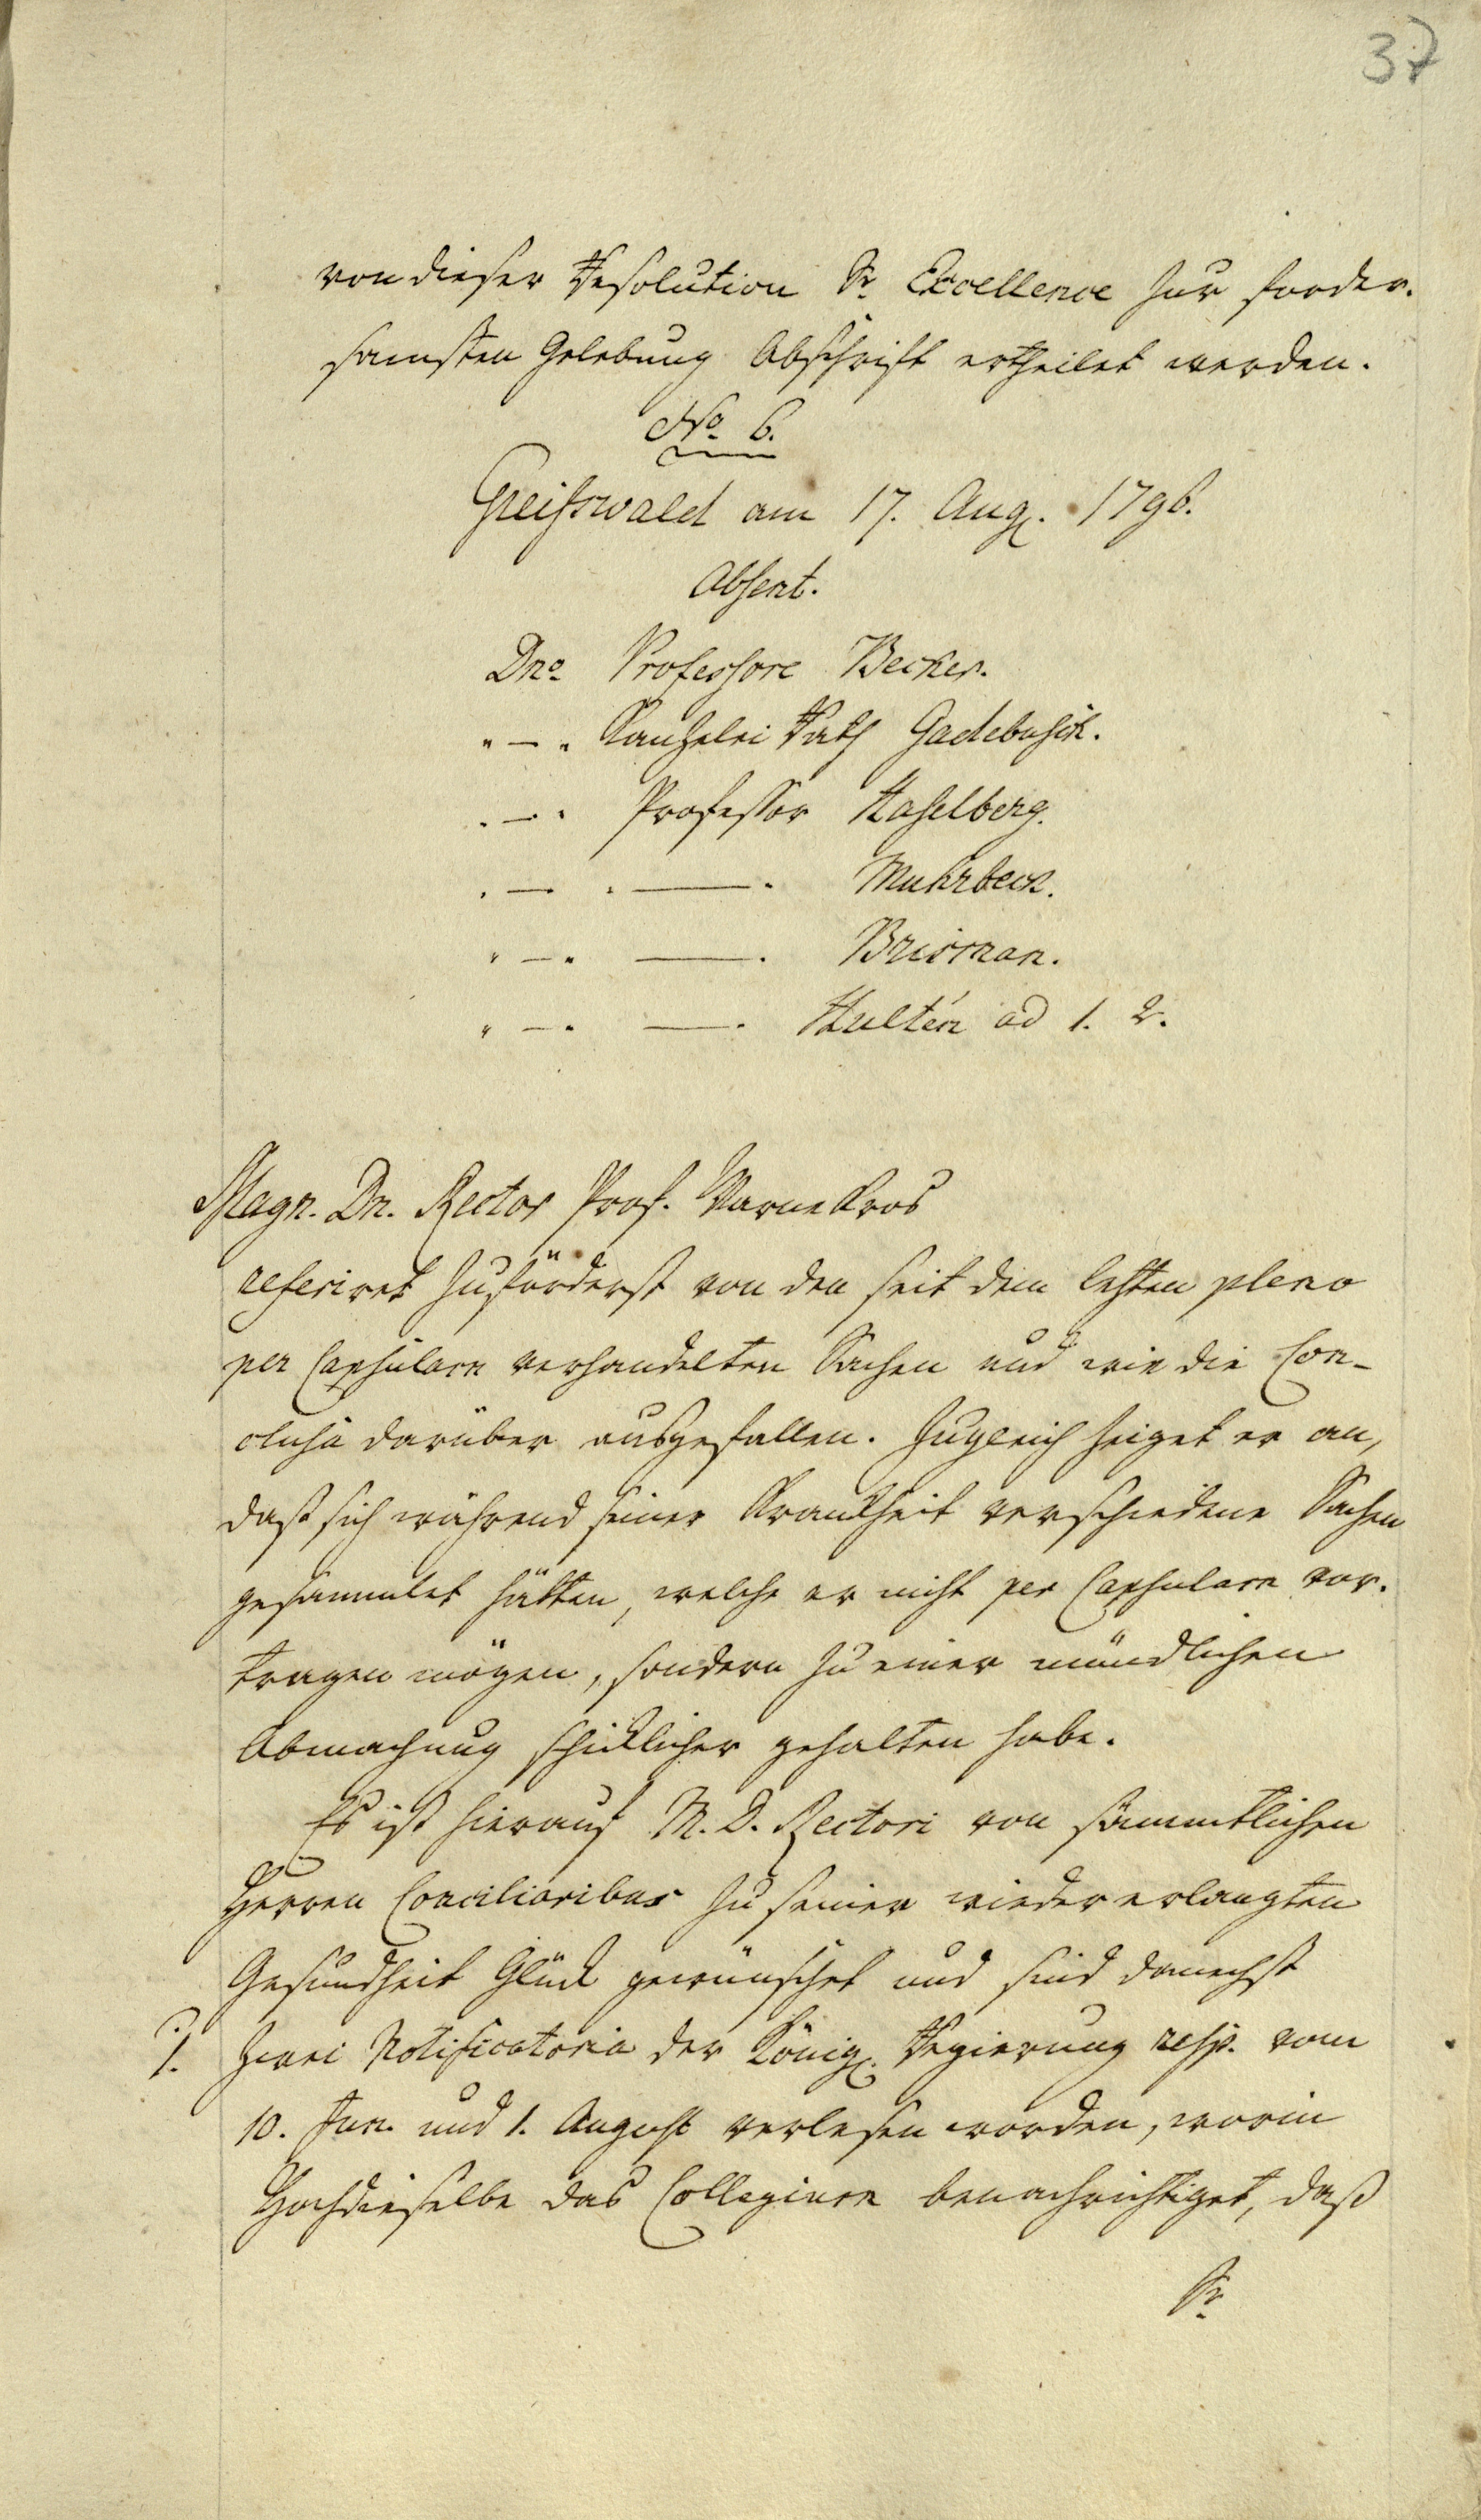von dieser Resolution Sr Excellence zur forder¬
samsten Gelebung Abschrift ertheilet werden.
No 6.
Greifswald am 17. Aug. 1796.
Absent.
Dn Professor Becker.
Kanzelei Rath Gadebusch.
Professor Haselberg.
Muhrbeck.
Brisman.
Hultén ad 1. 2.
Mag. Dn. Rector Prof. Warnekros
referiret zuförderst von den seit dem letzten pleno
per Capsulam verhandelten Sachen und wie die Con¬
clusa darüber ausgefallen. Zugleich zeiget er an,
daß sich während seiner Krankheit verschiedene Sachen
gesammlet hätten, welche er nicht per Capsulam vor
tragen mögen, sondern zu einer mündlichen
Abmachung schicklicher gehalten habe.
Es ist hierauf M. D. Rector von sämmtlichen
Herren Conciliaribus zu seiner wieder erlangten
Gesundheit Glück gewünschet und sind danechst
1. Zwei Notificotoria der Königl. Regierung resp. vom
10. Jun. und 1. August verlesen worden, worin
Hochdieselbe das Collegium benachrichtiget, daß